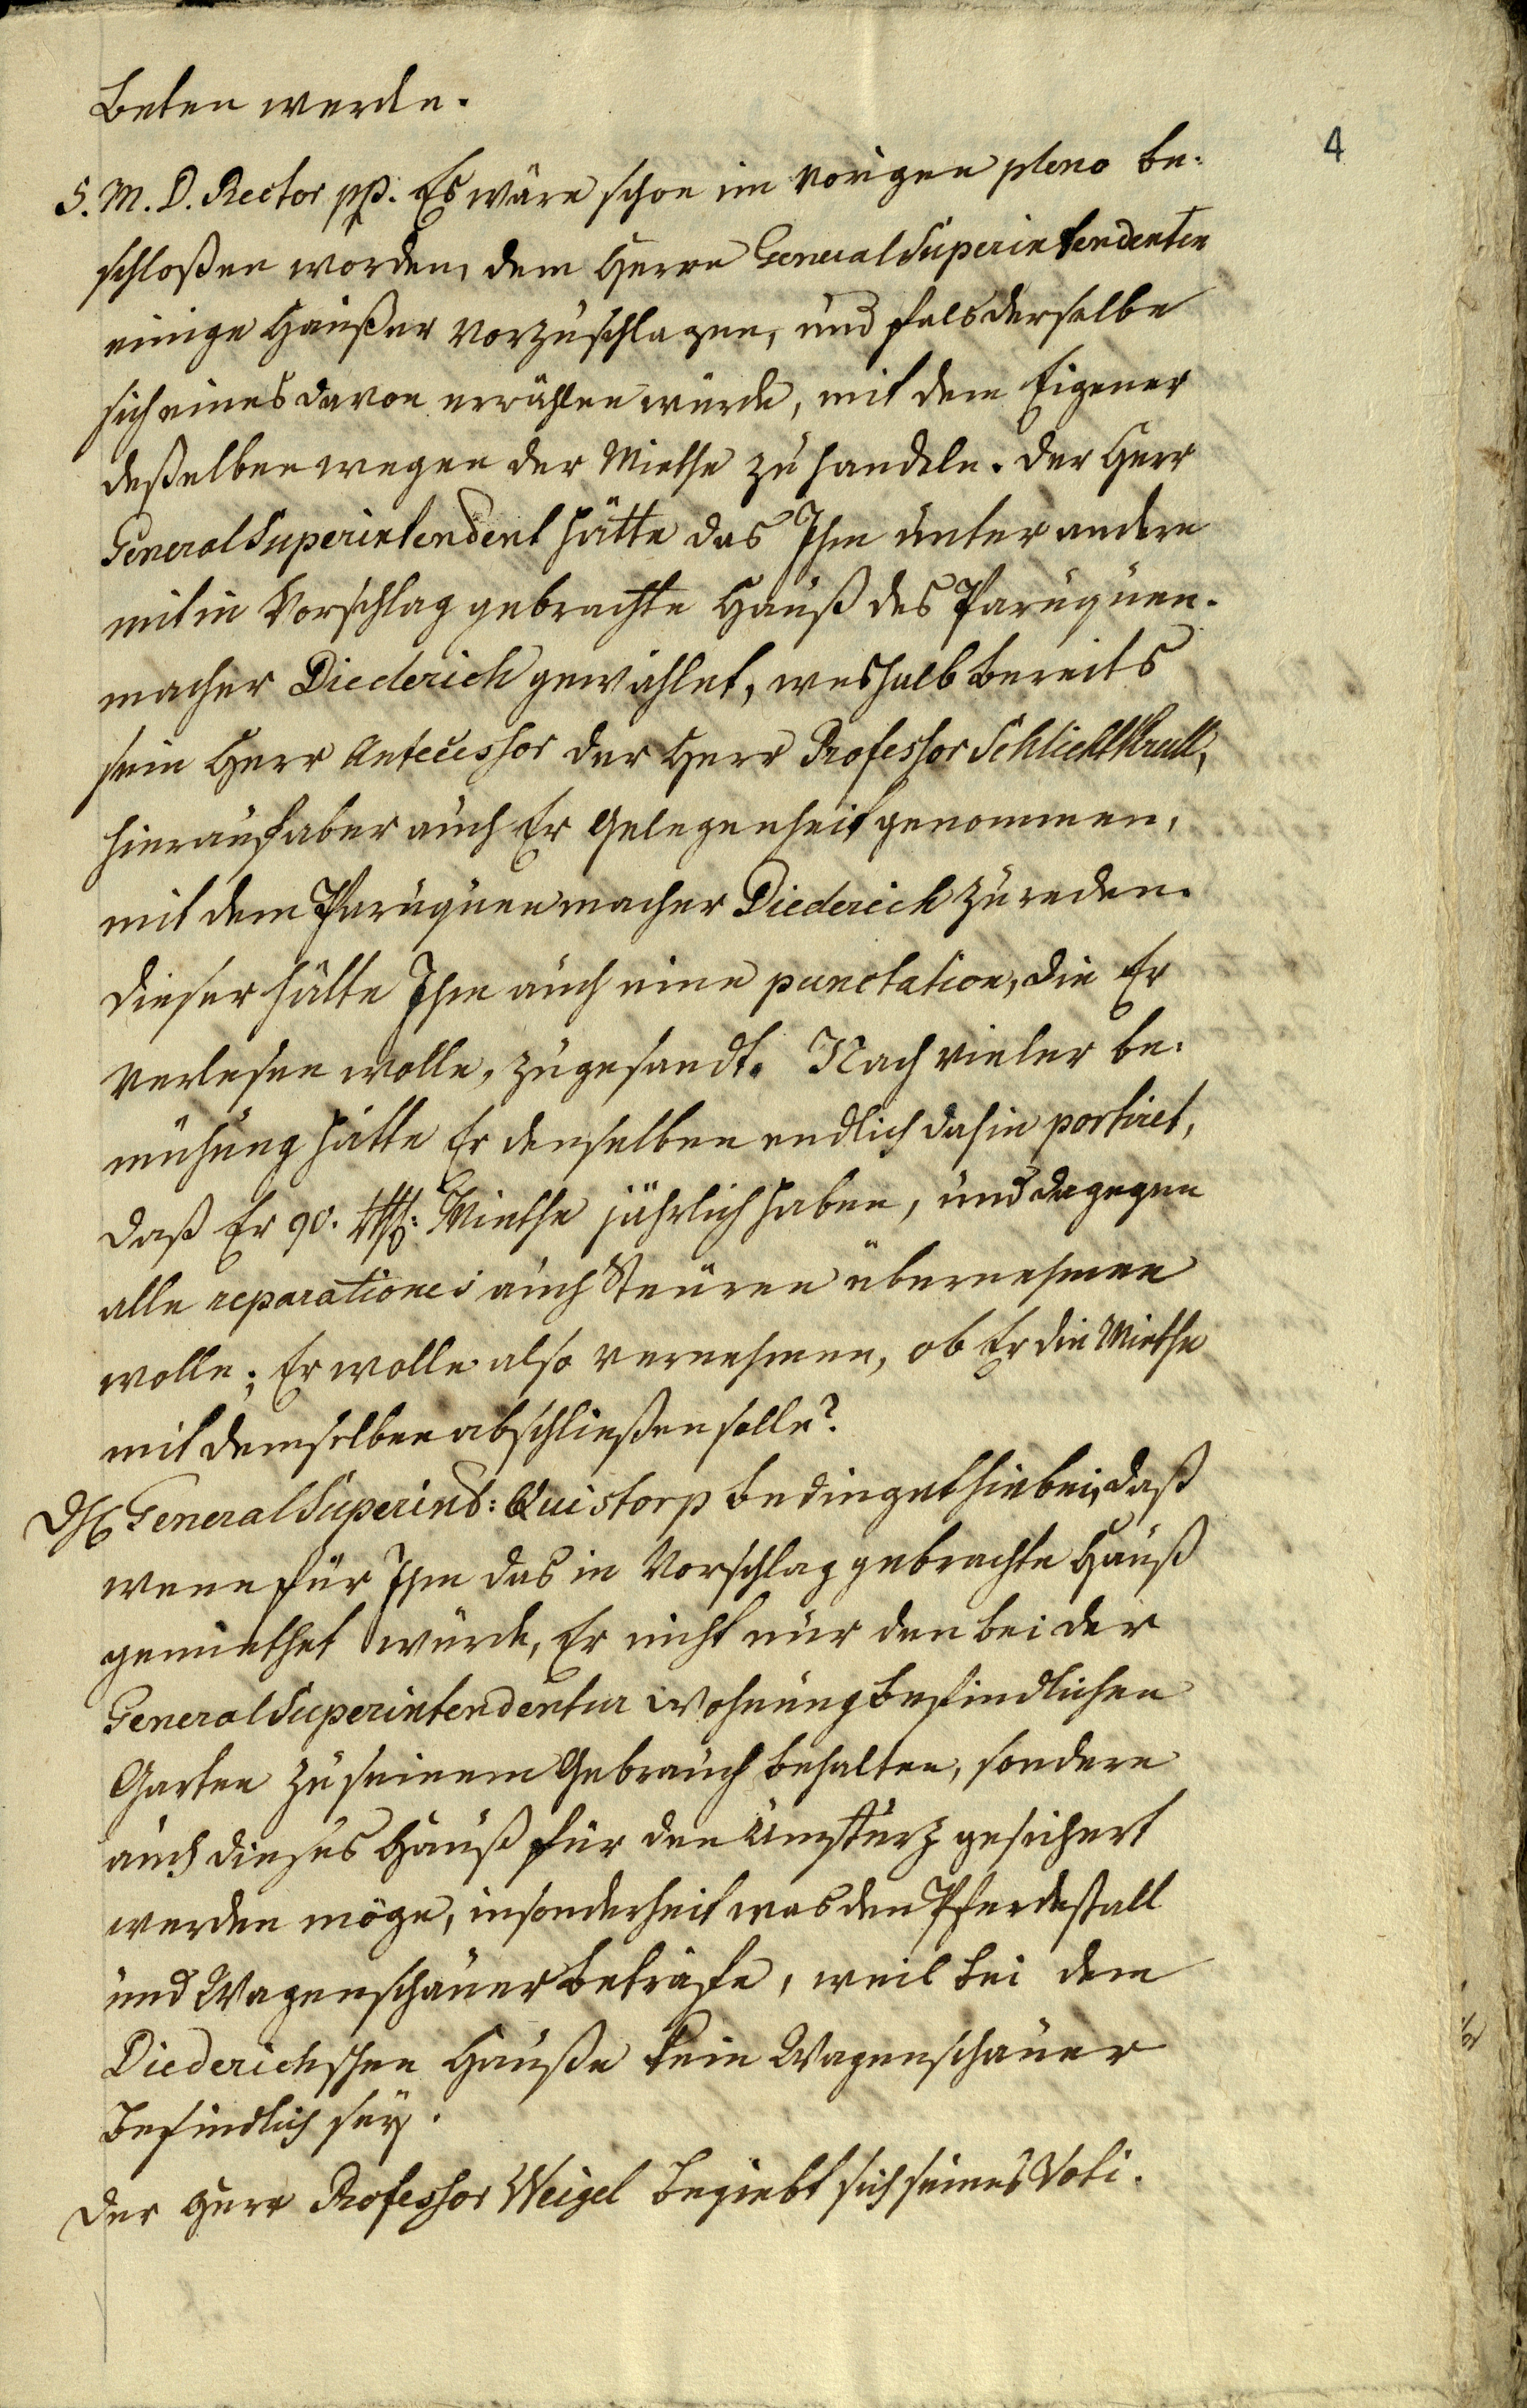beten werden.
5. M. D. Rector pp. Es wäre schon im vorigen pleno be¬
schloßen worden, dem Herrn GeneralSuperintendenten
einige Häuser vorzuschlagen, und fals derselbe
sich eines davon erwählen würde, mit dem Eigener
deßelben wegen der Miethe zu verhandeln. Der Herr
GenralSuperintendent hätte das Ihm unter andern
mit in Vorschlag gebrachte Hauß des Paruquen¬
macher Diederich gewählet, weshalb bereits
sein Herr Antecessor der Herr Professor Schlichtkrull,
hierauf aber auch Er Gelegenheit genommen,
mit dem Paruquenmacher Diederich zu reden.
Dieser hätte Ihm auch eine punctation, die Er
verlesen wolle, zugesandt. Nach vieler Be¬
mühung hätte Er denselben endlich dahin portiret,
daß Er 90 rt. Miethe jährlich , und dagegen
alle reparationes auch Steuern übernehmen
wolle; Er wolle also vernehmen, ob Er die Miethe
mit demselben abschließen solle?
dh GeneralSuperint. Quistorp bedinget hiebei, daß
wenn für Ihm das in Vorschlag gebrachte Hauß
gemiethet würde, Er nicht nur den bei der
GeneralSuperintendentur Wohnung befindlichen
Garten zu seinem Gebrauch behalten, sondern
auch dieses Hauß für den Umsturz gesichert
werden möge, insonderheit was den Pferdestall
und Wagenschauer beträfe, weil bei dem
Diederichschen Hauße kein Wagenschauer
befindlich sey.
Der Herr Professor Weigel begiebt sich seines Voti.